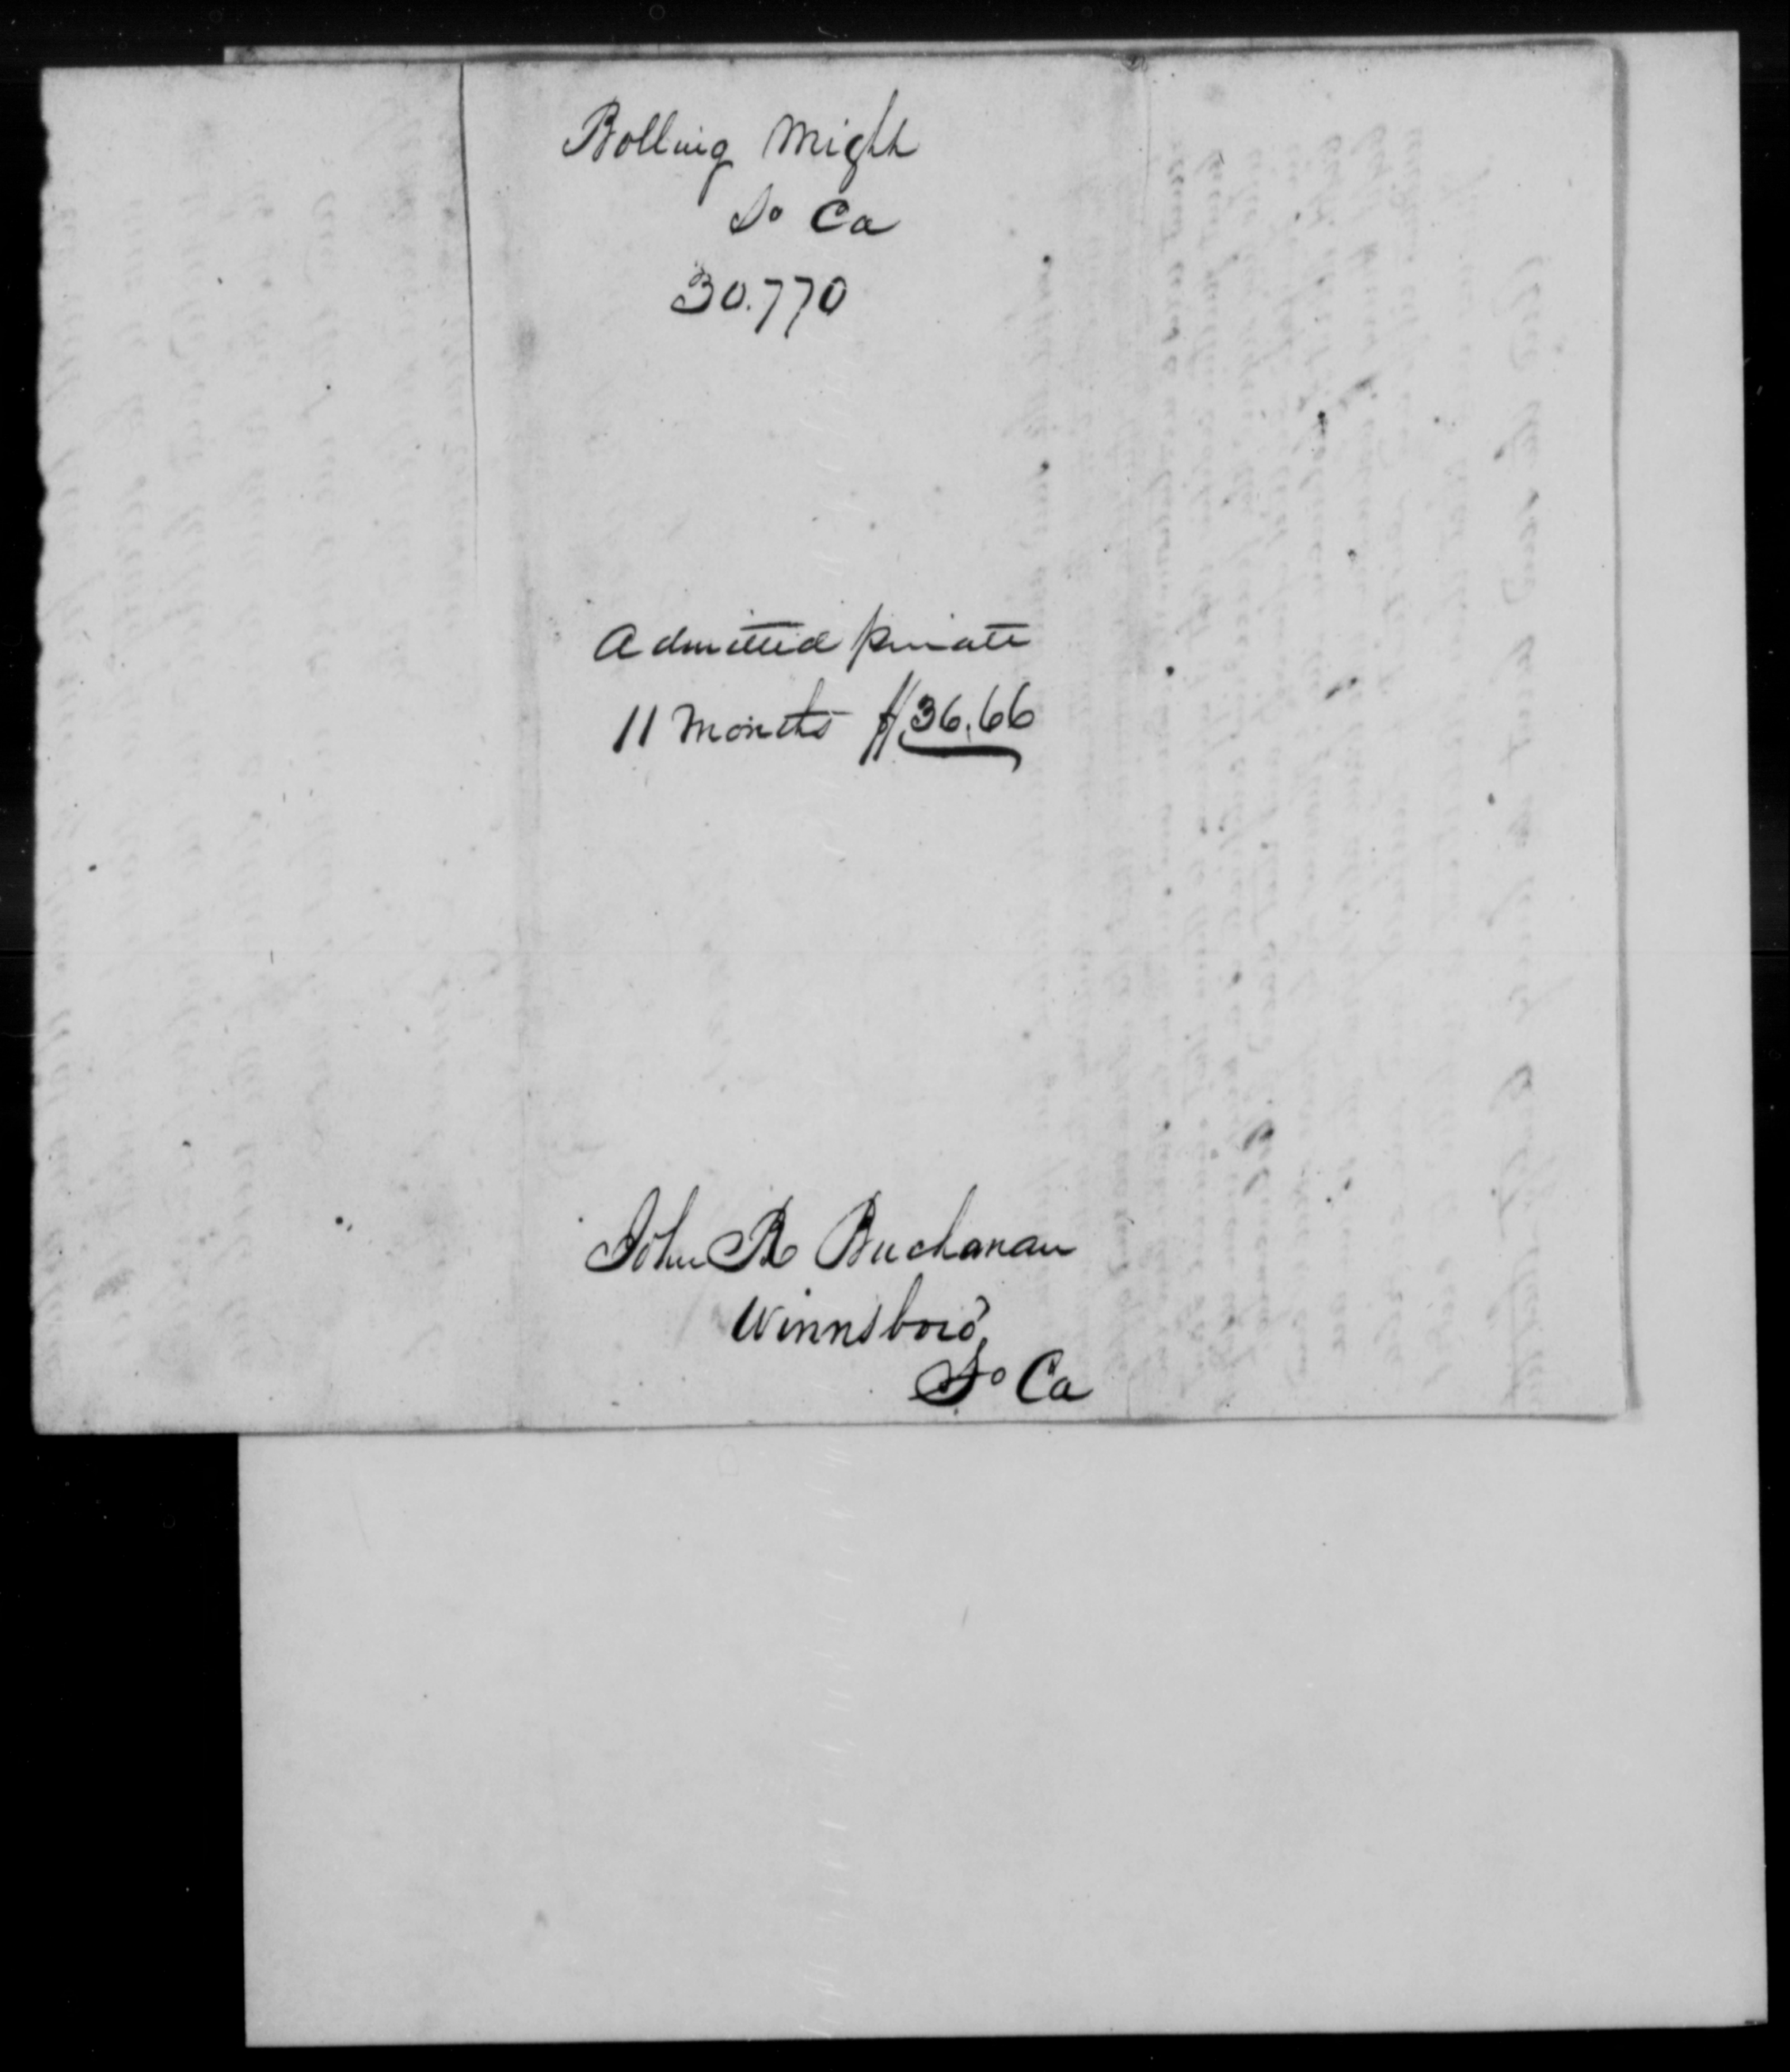Rolling might
So Ca
30.770

Admitted private 
11 months $36.66

John R Buchanan
Winnsboro
So Ca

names: Bolling Wright, John R Buchanan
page: 14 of 81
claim: widow's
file: W. 5183, Bolling Wright, Va.